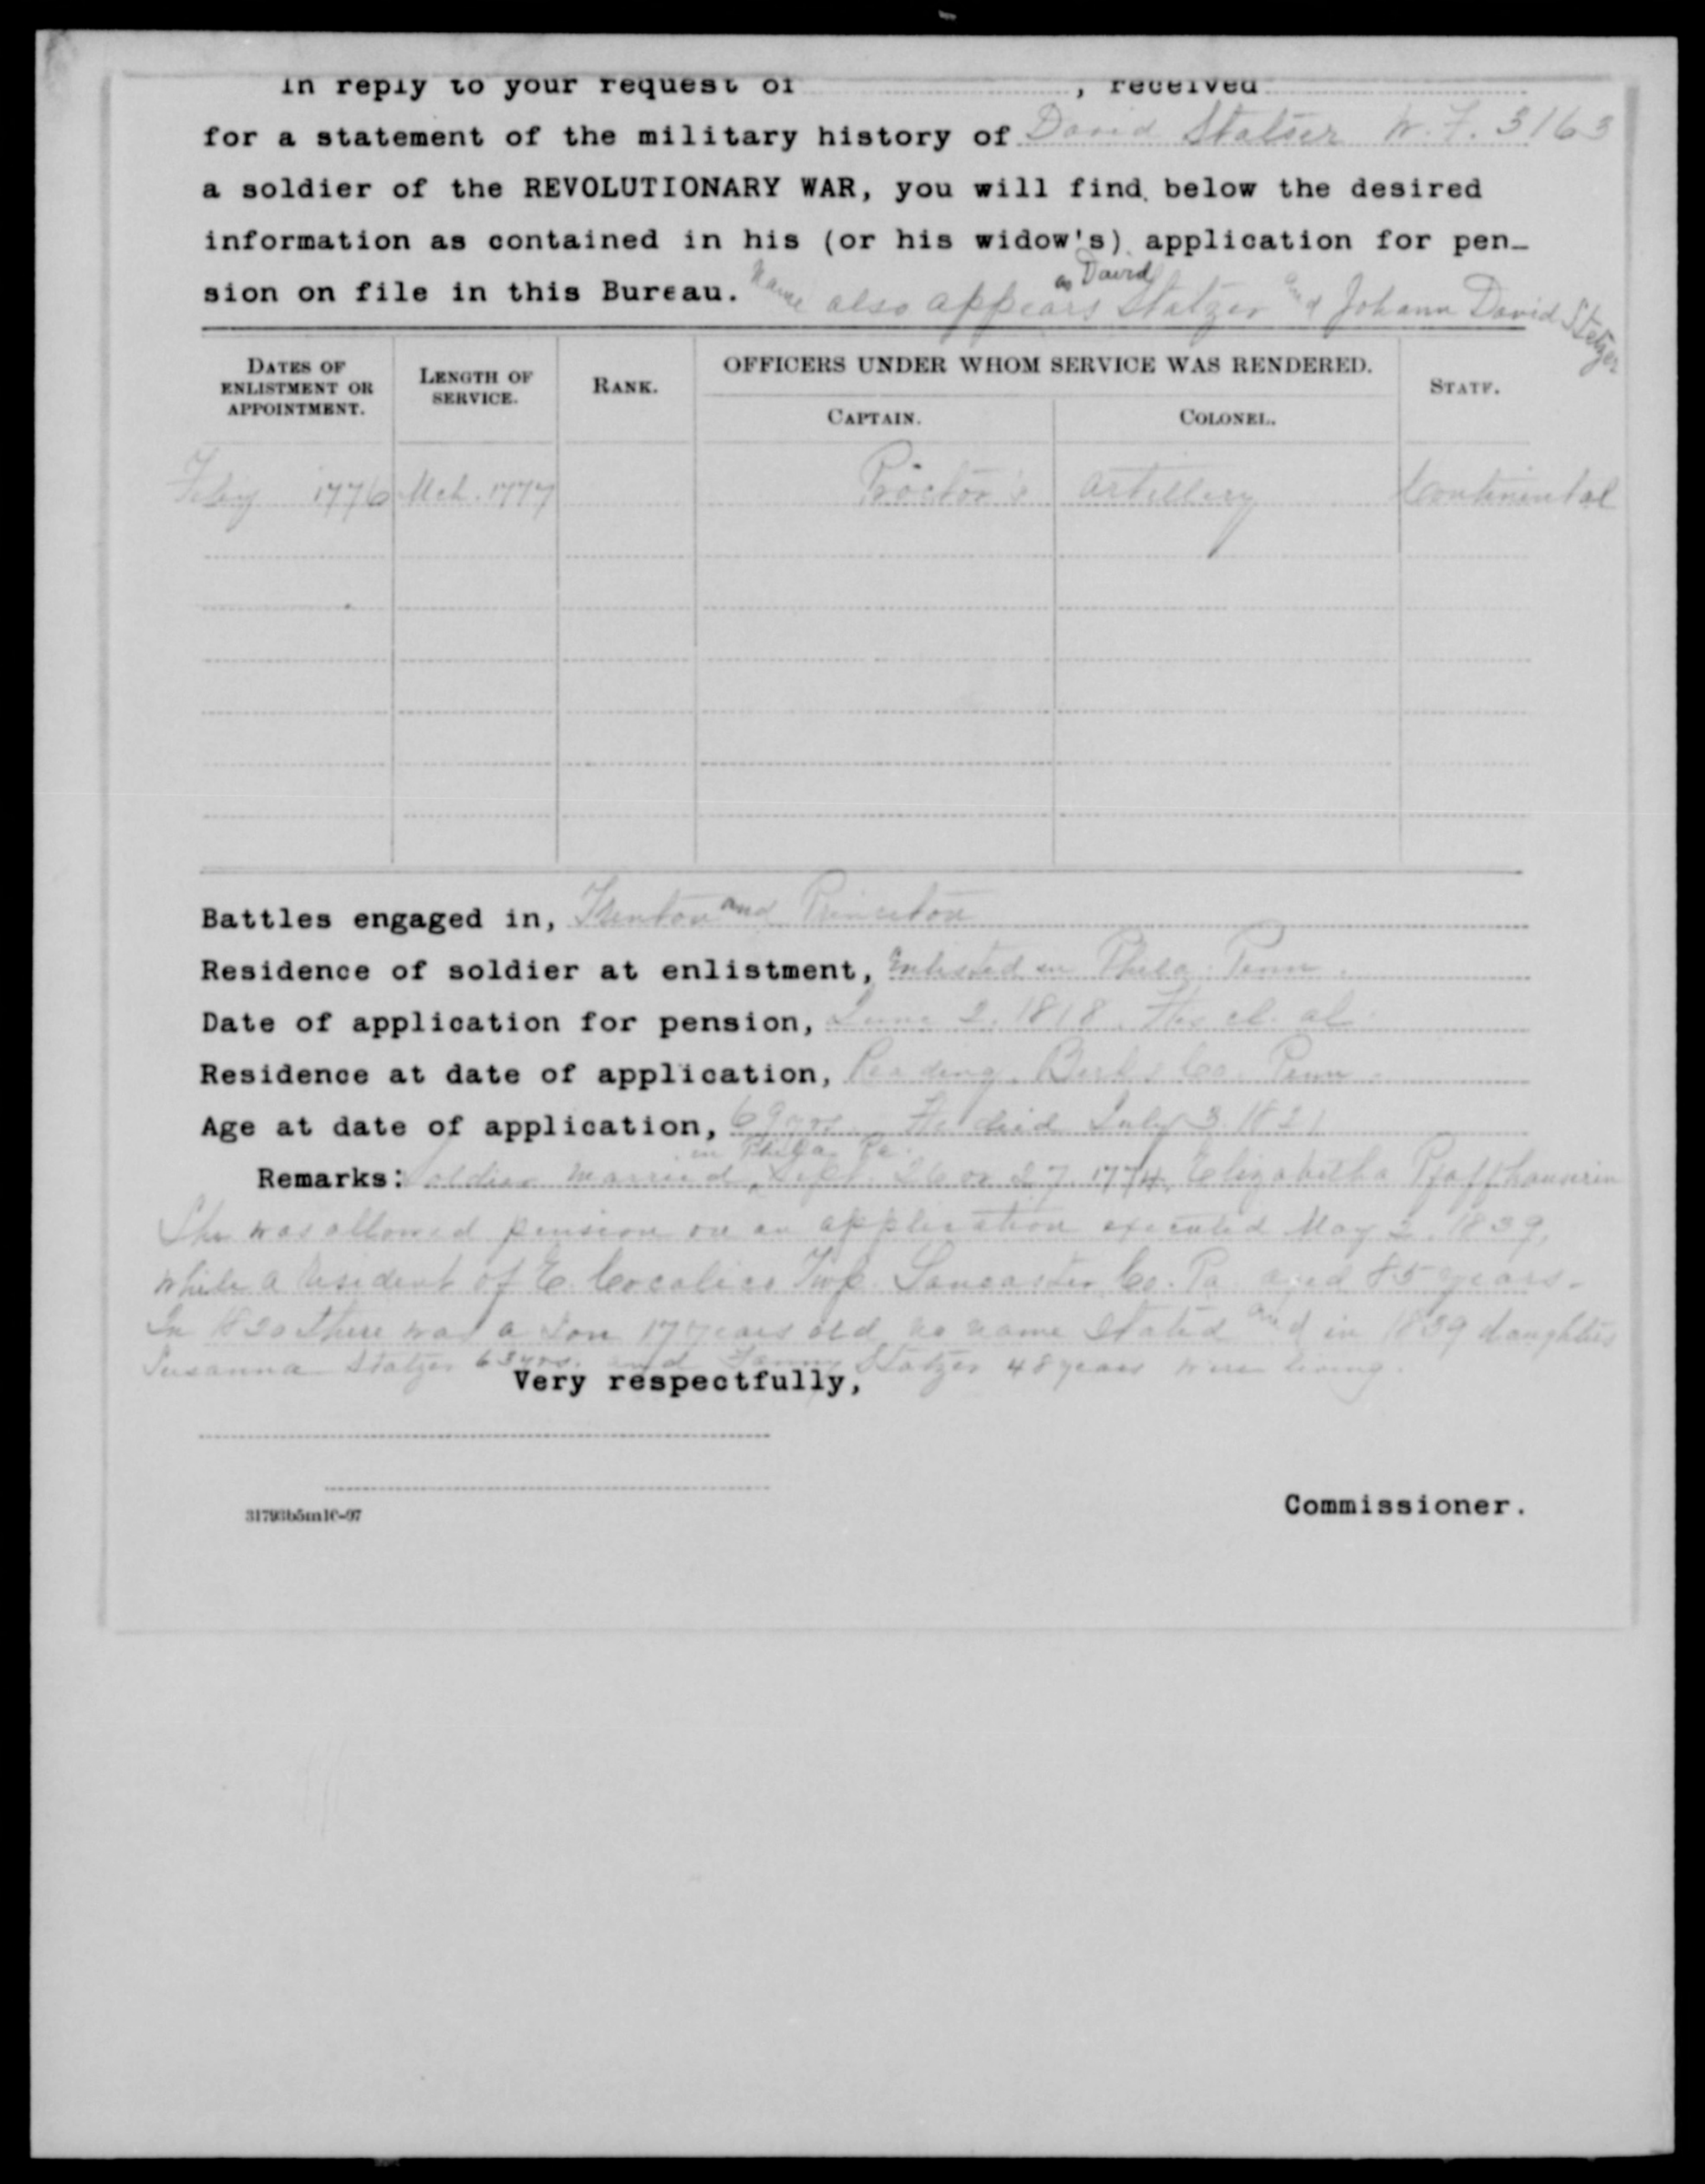In reply to your request of [blank] received [blank] for a statement of the military history of David Statser W.F. 3163, a soldier of the REVOLUTIONARY WAR, you will find below the desired information as contained in his (or his widow's) application for pension on file in this Bureau.
Name and also appears as David Statzer and Johann David Stetzer.
DATES OF ENLISTMENT OR APPOINTMENT. | LENGTH OF SERVICE. | RANK. | OFFICERS UNDER WHOM SERVICE WAS RENDERED. (CAPTAIN., COLONEL.) | STATE.
February, 1776 | March, 1777 |  | Proctor's Artillery | Continental
Battles engaged in, Trenton and Princeton
Residence of soldier at enlistment, Enlisted in Philadelphia, Pennsylvania.
Date of application for pension, June 2, 1818. His claim allowed.
Residence at date of application, Reading, Berks County, Pa.
Age at date of application, 69 years. He died July 3, 1821.
Remarks: Soldier married in Philadelphia, Pa., Sept 26 or 27, 1774, Elizabeth Pfaffhauserin. He was allowed pension on an application executed May 29, 1839, while a resident of E. Cocalico Twp., Lancaster Co., Pa., and 85 years. In 1820, there was a son 17 years old, he name stated, and in 1839, daughters Susanna Statser, 63 years, and Fanny Statzer, 48 years, then living.
Very respectfully 
[blank]
Commissioner.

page: 26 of 28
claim: widow's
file: W. 3163, for David Statser, Pennsylvania